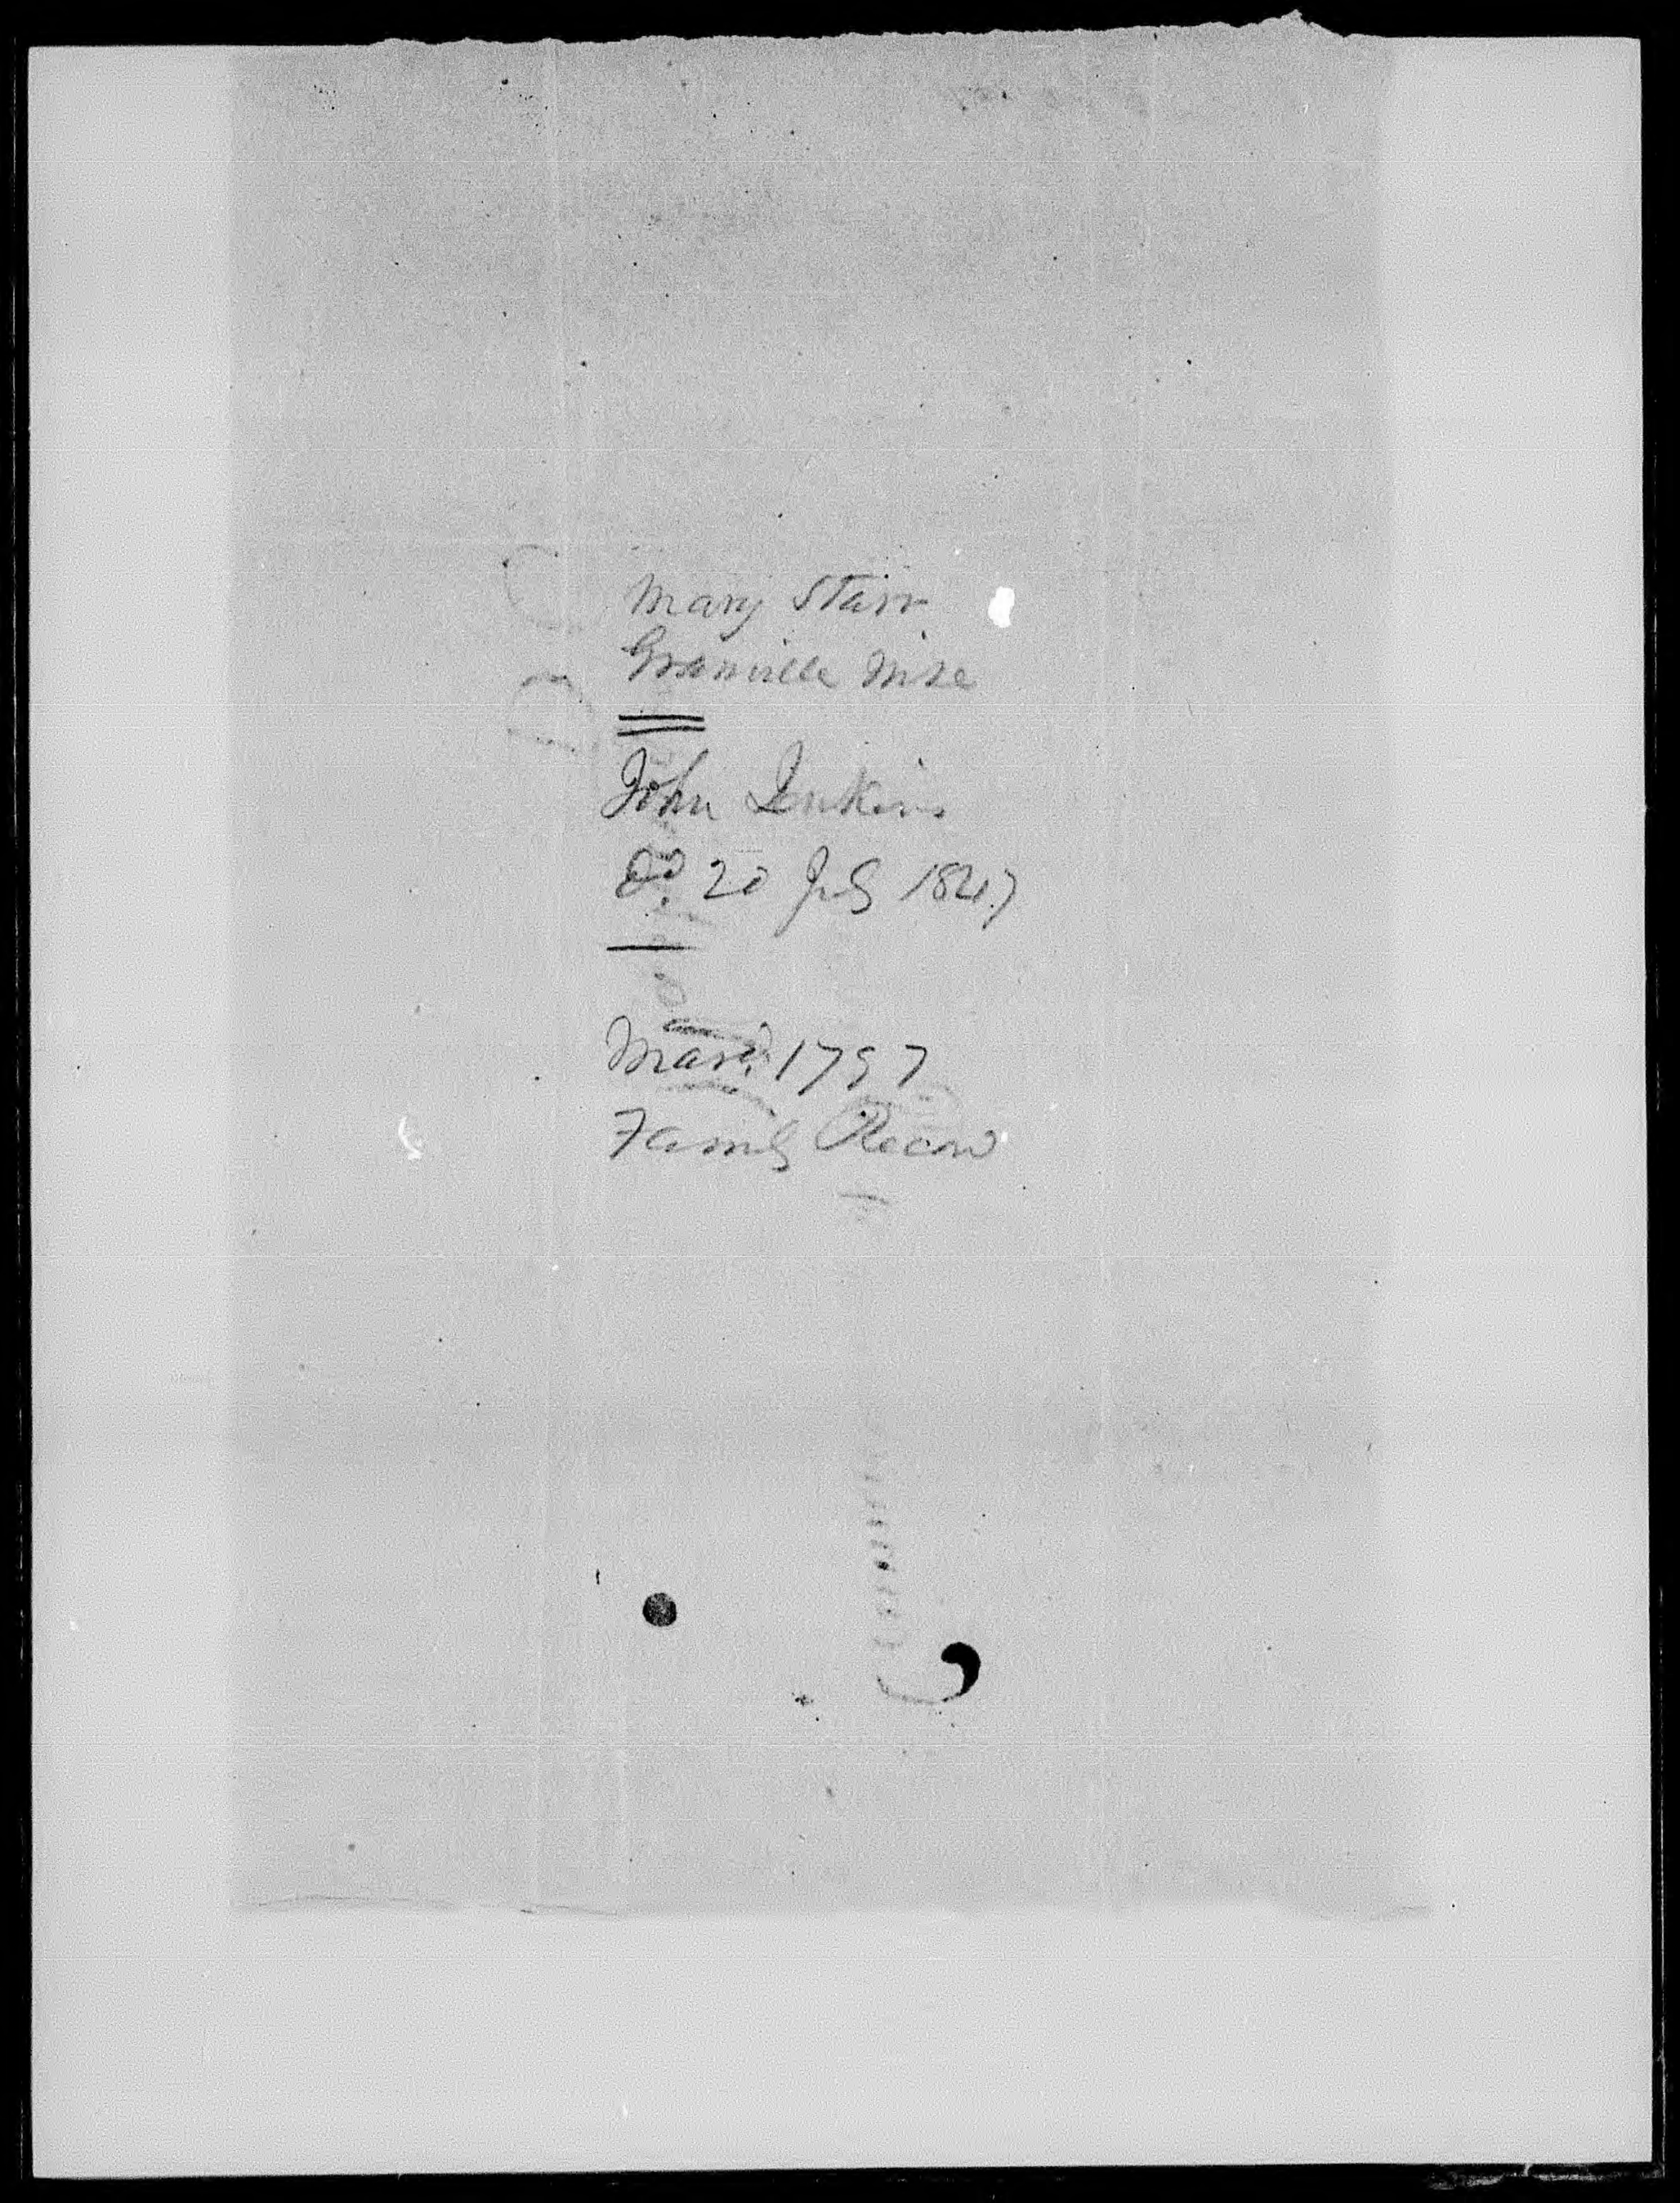Mary Stair
Granville Wise
-
---
John Jenkins
20 Jul 1821
Mard 1797
Faml Record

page: 41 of 55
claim: widow's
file: W. 7894, for John Jenkins, Virginia